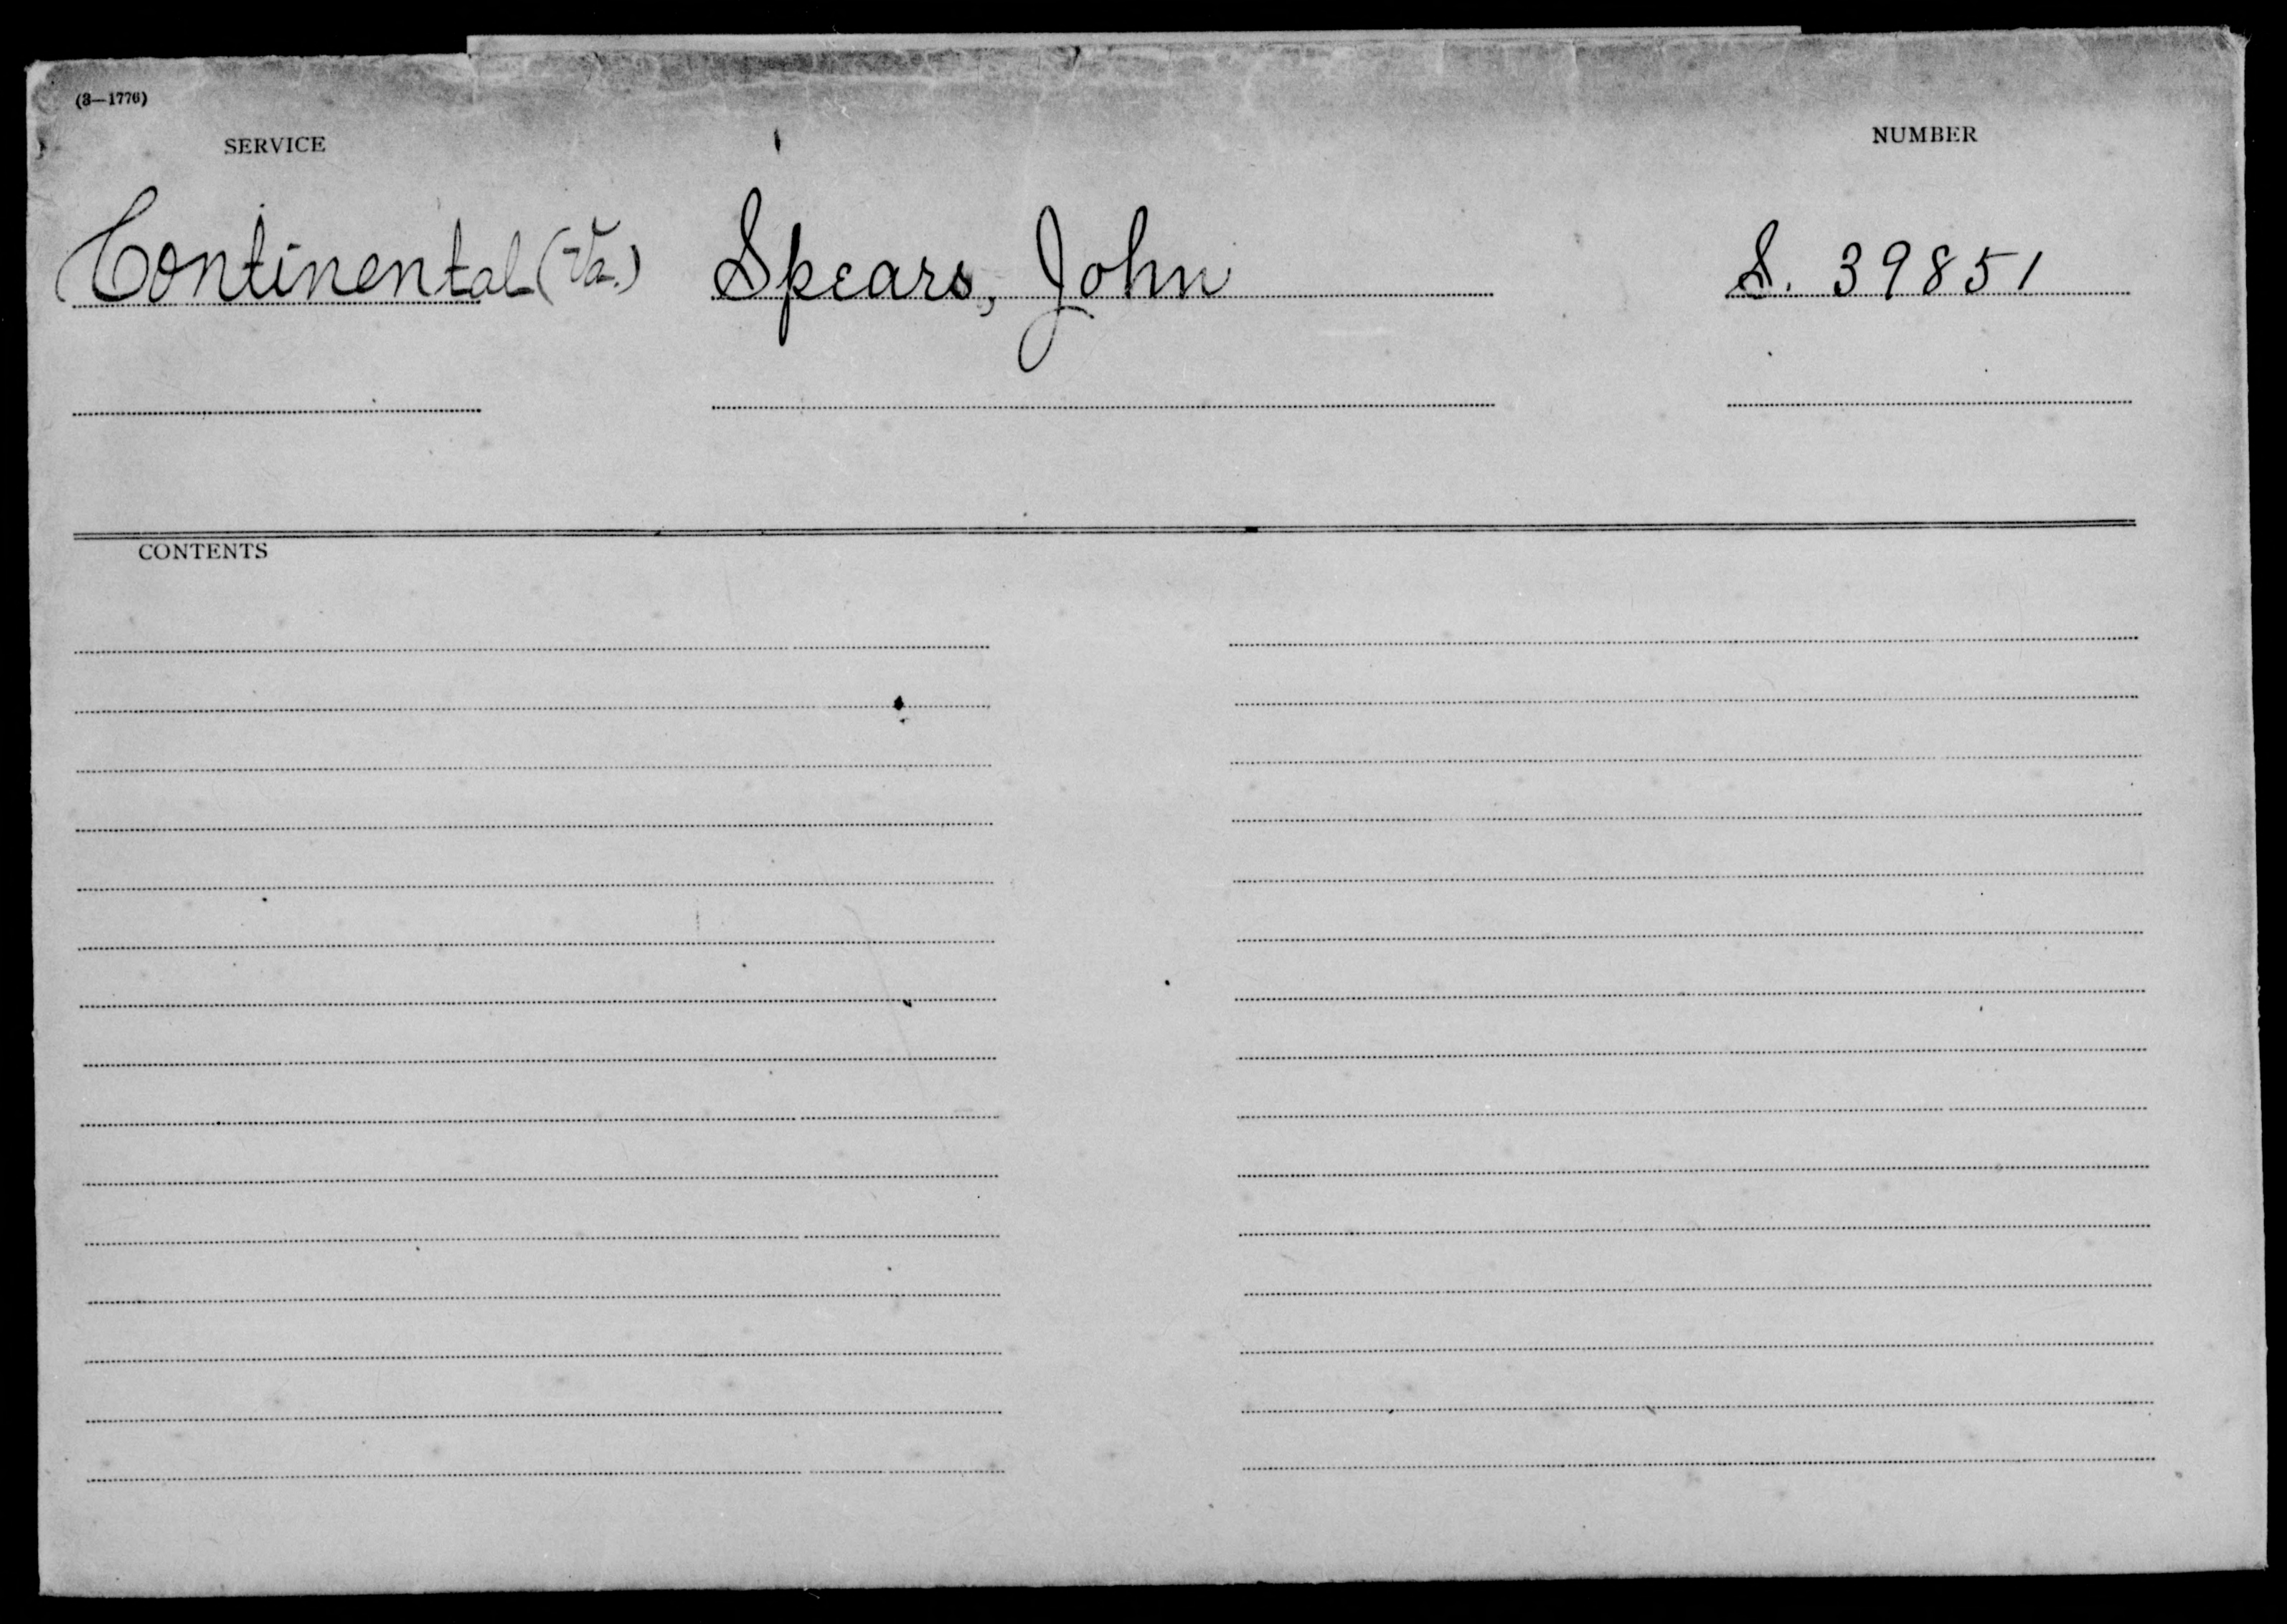Service
Continental (Va)
Spears, John

Number
S. 39851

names: [BLANK]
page: 1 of 12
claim: survivor's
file: S. 39851, for John Spears, Virginia